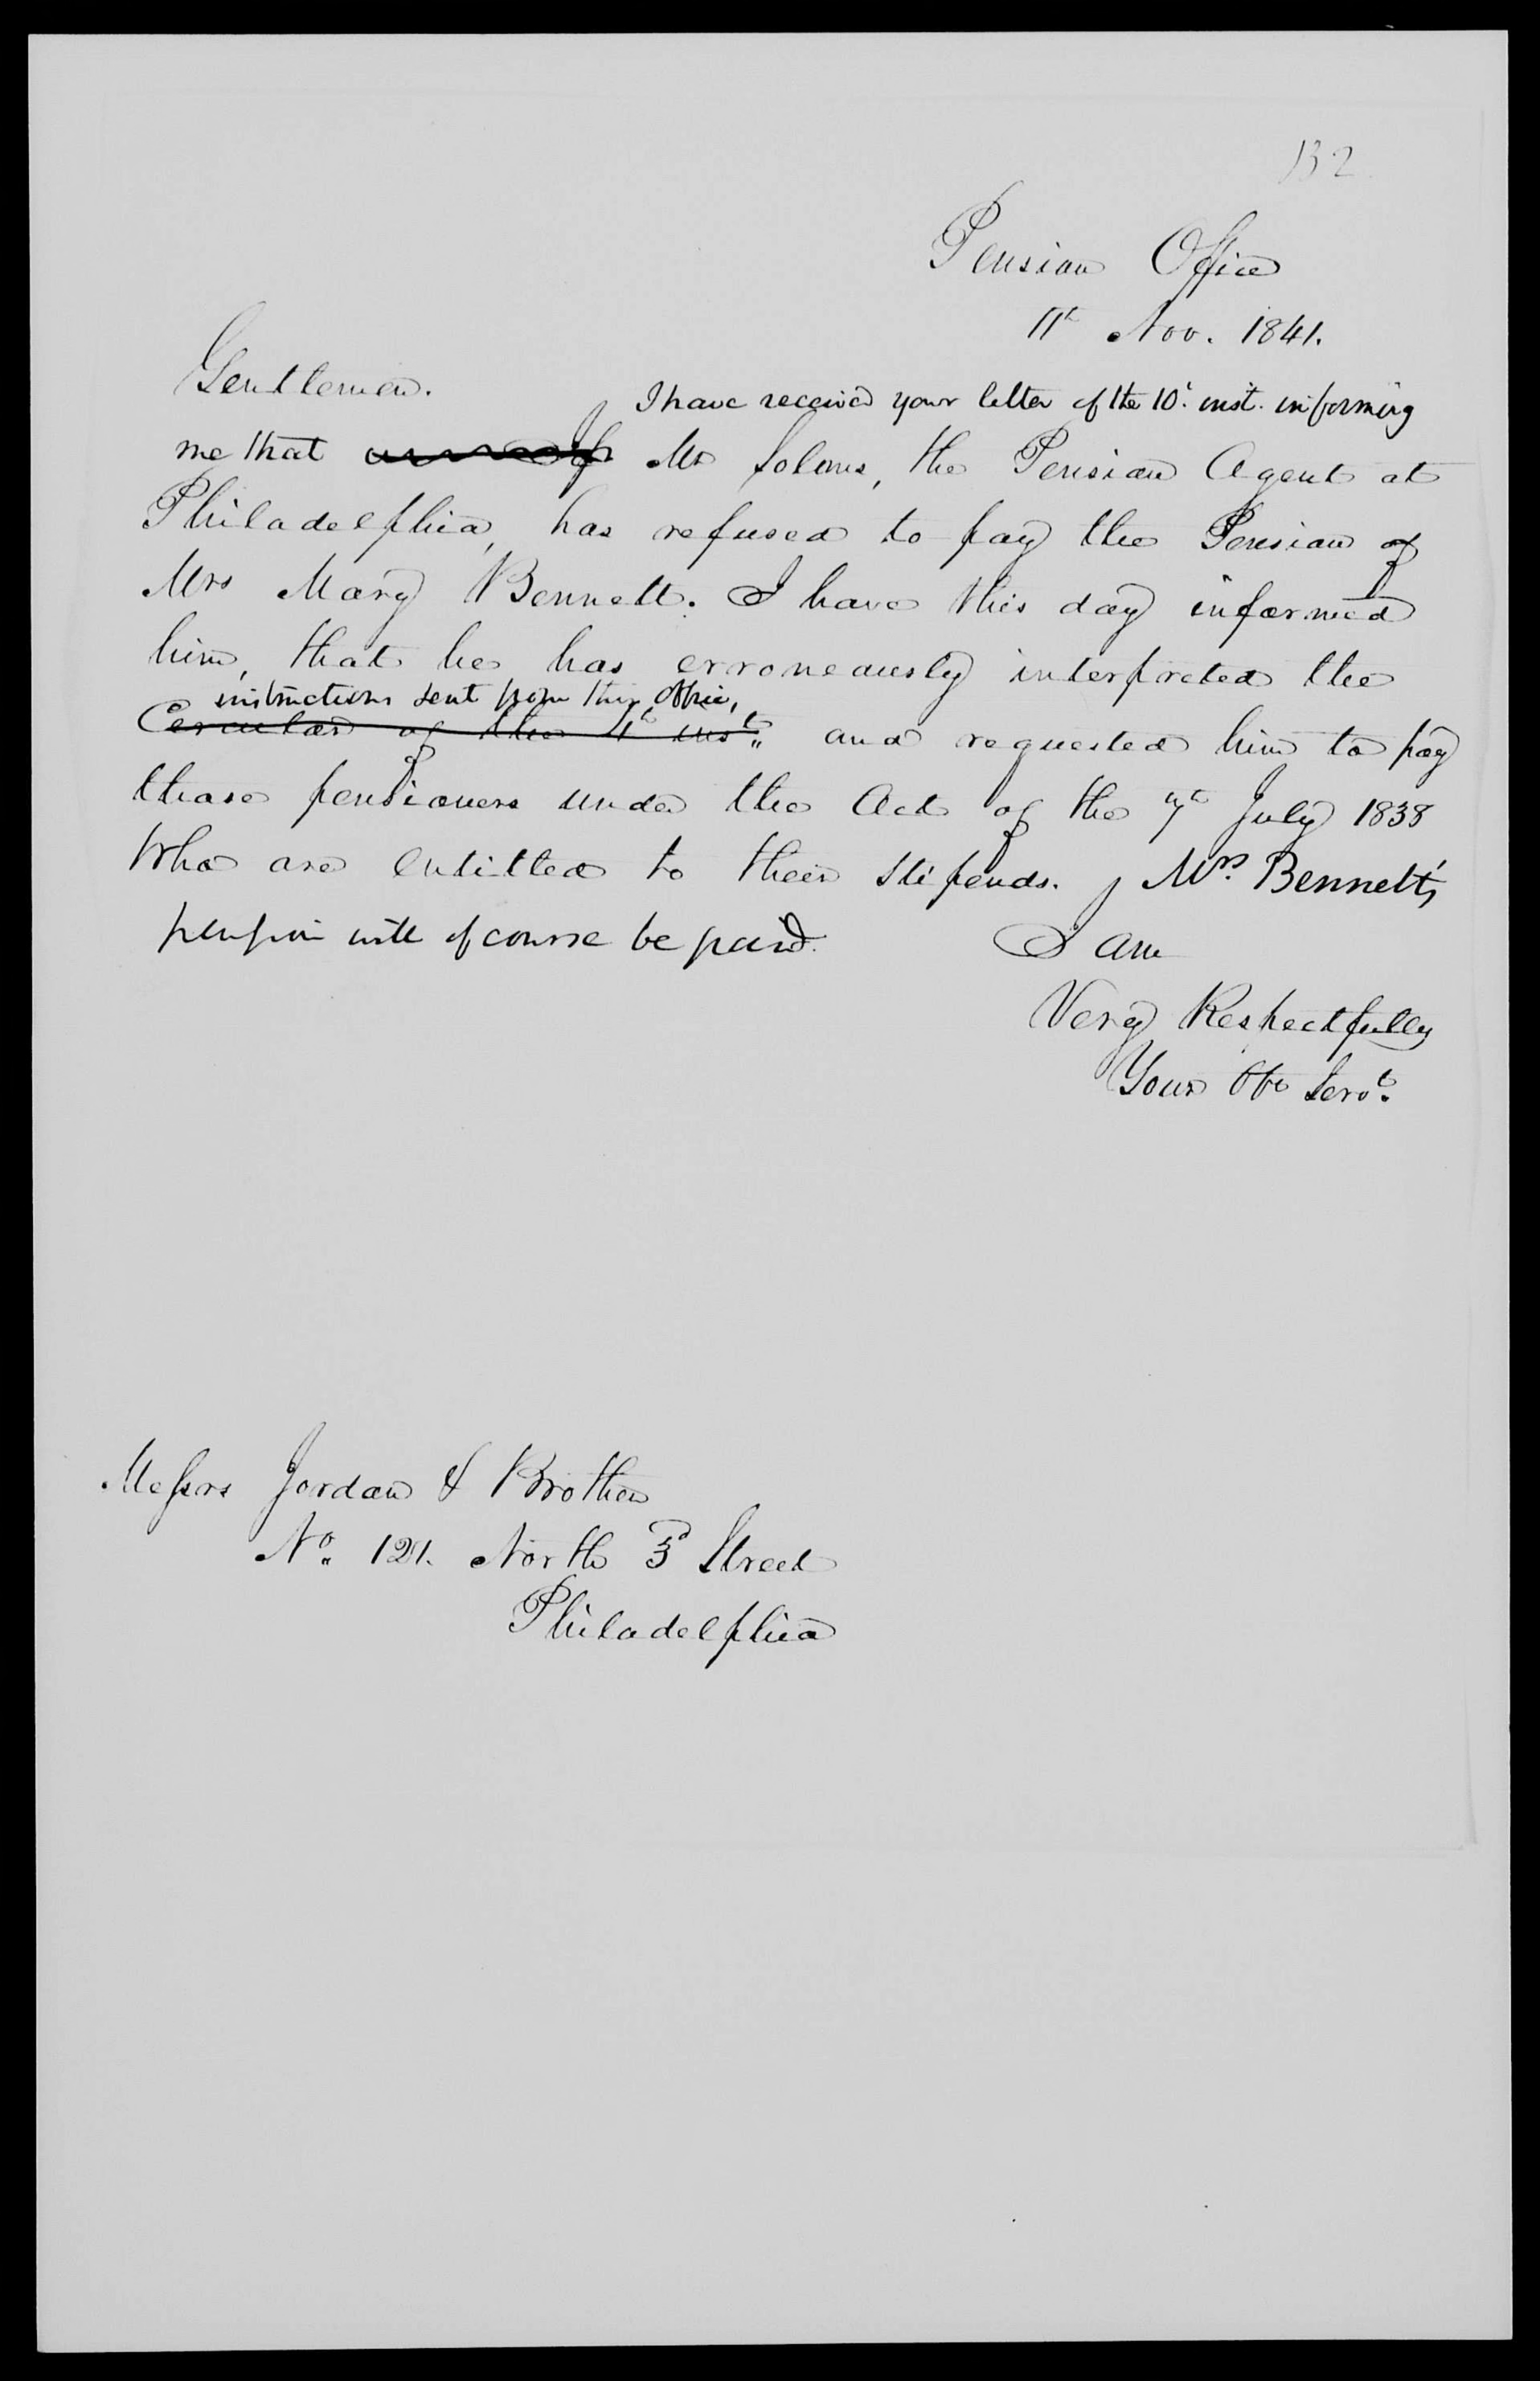132 Pension Office 11th Nov. 1841. Gentlemen I have received your letter of the 10th inst. informing me that [crossed out] Mr Falons, the Pension Agent at Philadelphia, has refused to pay the Pension of Mrs Mary Bennett. I have this day informed him, that he has erroneously [crossed out] interpreted the instructions sent from this office, and requested him to pay those pensioners under the Act of the 7th July 1838 who are entitled to their stipends. Mrs. Bennett's person will of course be paid. I am Very Respectfully Your Obt Servt. [illegible] Jordan F Brother No 121. North 3d Street Philadelphia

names: Mary Bennett, Bennett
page: 69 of 79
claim: widow's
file: W. 2,906, Stephen Bennet, Conn.